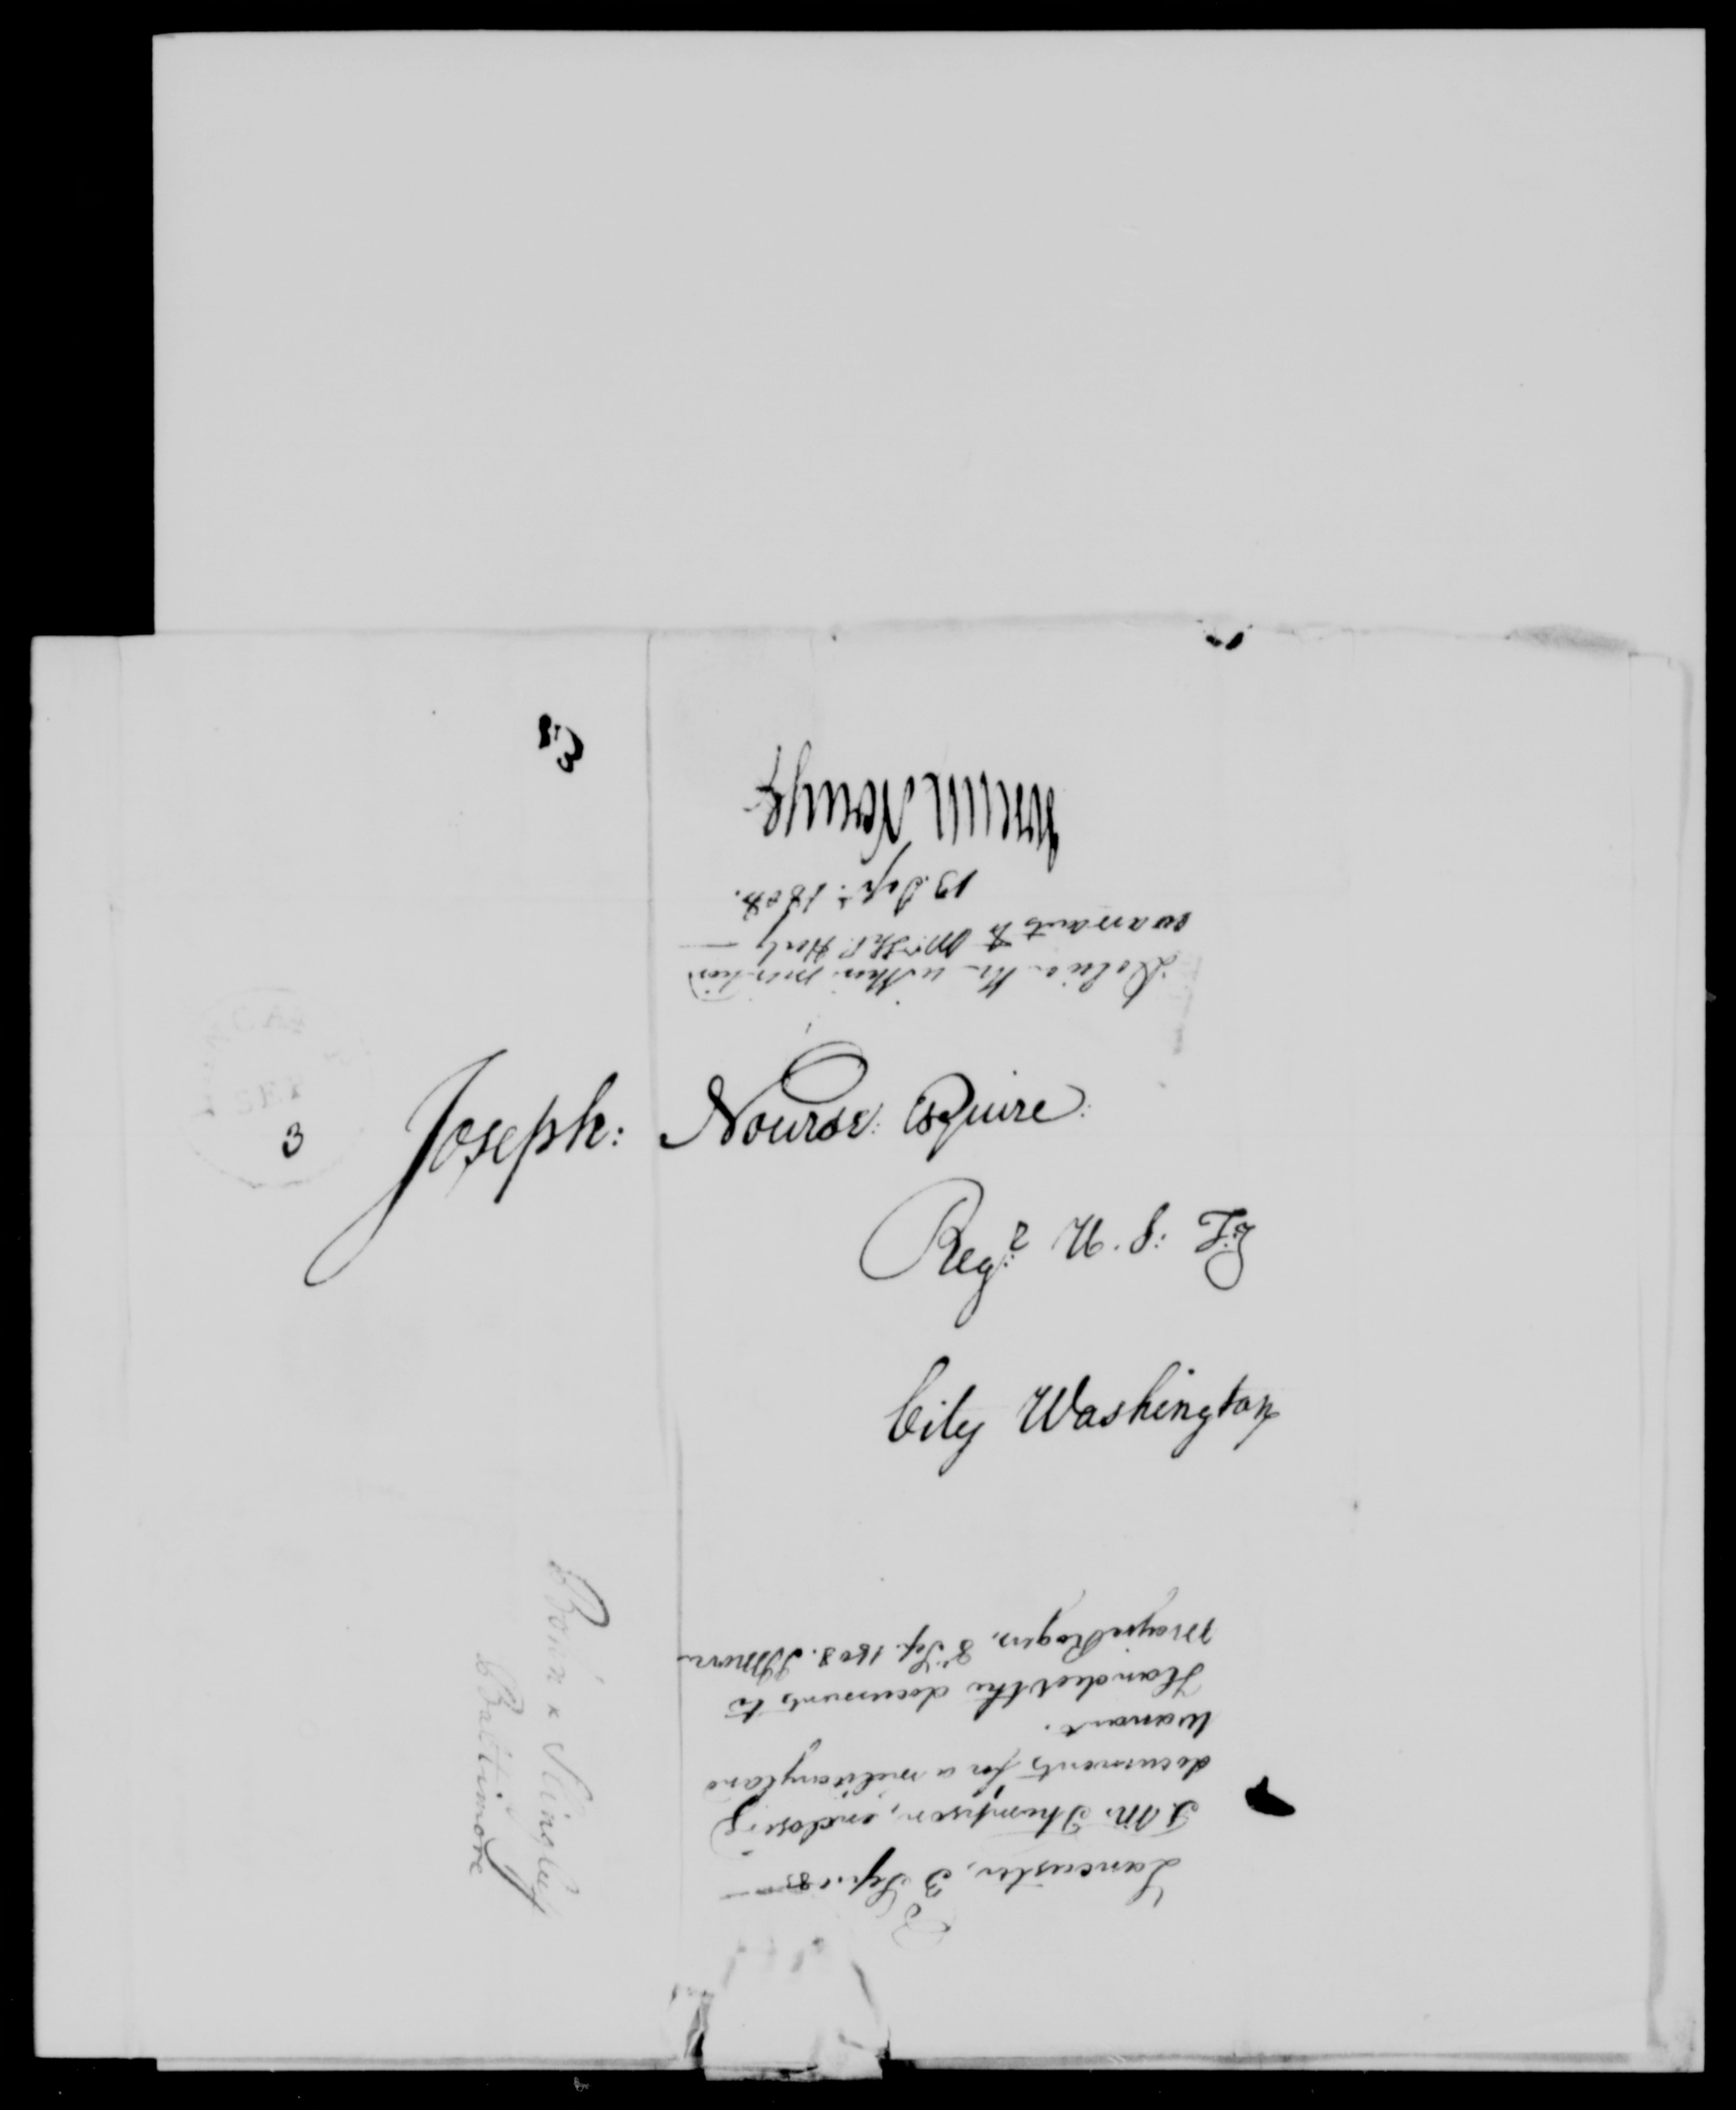Deliver the within mentioned warrants to Mr. Th’s Hertz
17 Sept 1808
Joseph Nourse
Joseph Nourse Esqr
Reg’r H. S. Tg
City Washington
Bohn & Slingley
Baltimore
Lancaster 3 Sept 83
T. M. Thompson, enclosing documents for military land warrant.
handed the documents to Major Rogers 8 Sept 1808  J. J. Moore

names: J J Moore, Rogers, T M Thompson, Joseph Nourse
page: 11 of 13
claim: bounty land warrant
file: B. L. Wt. 428-200, Marcus Young, Penn.